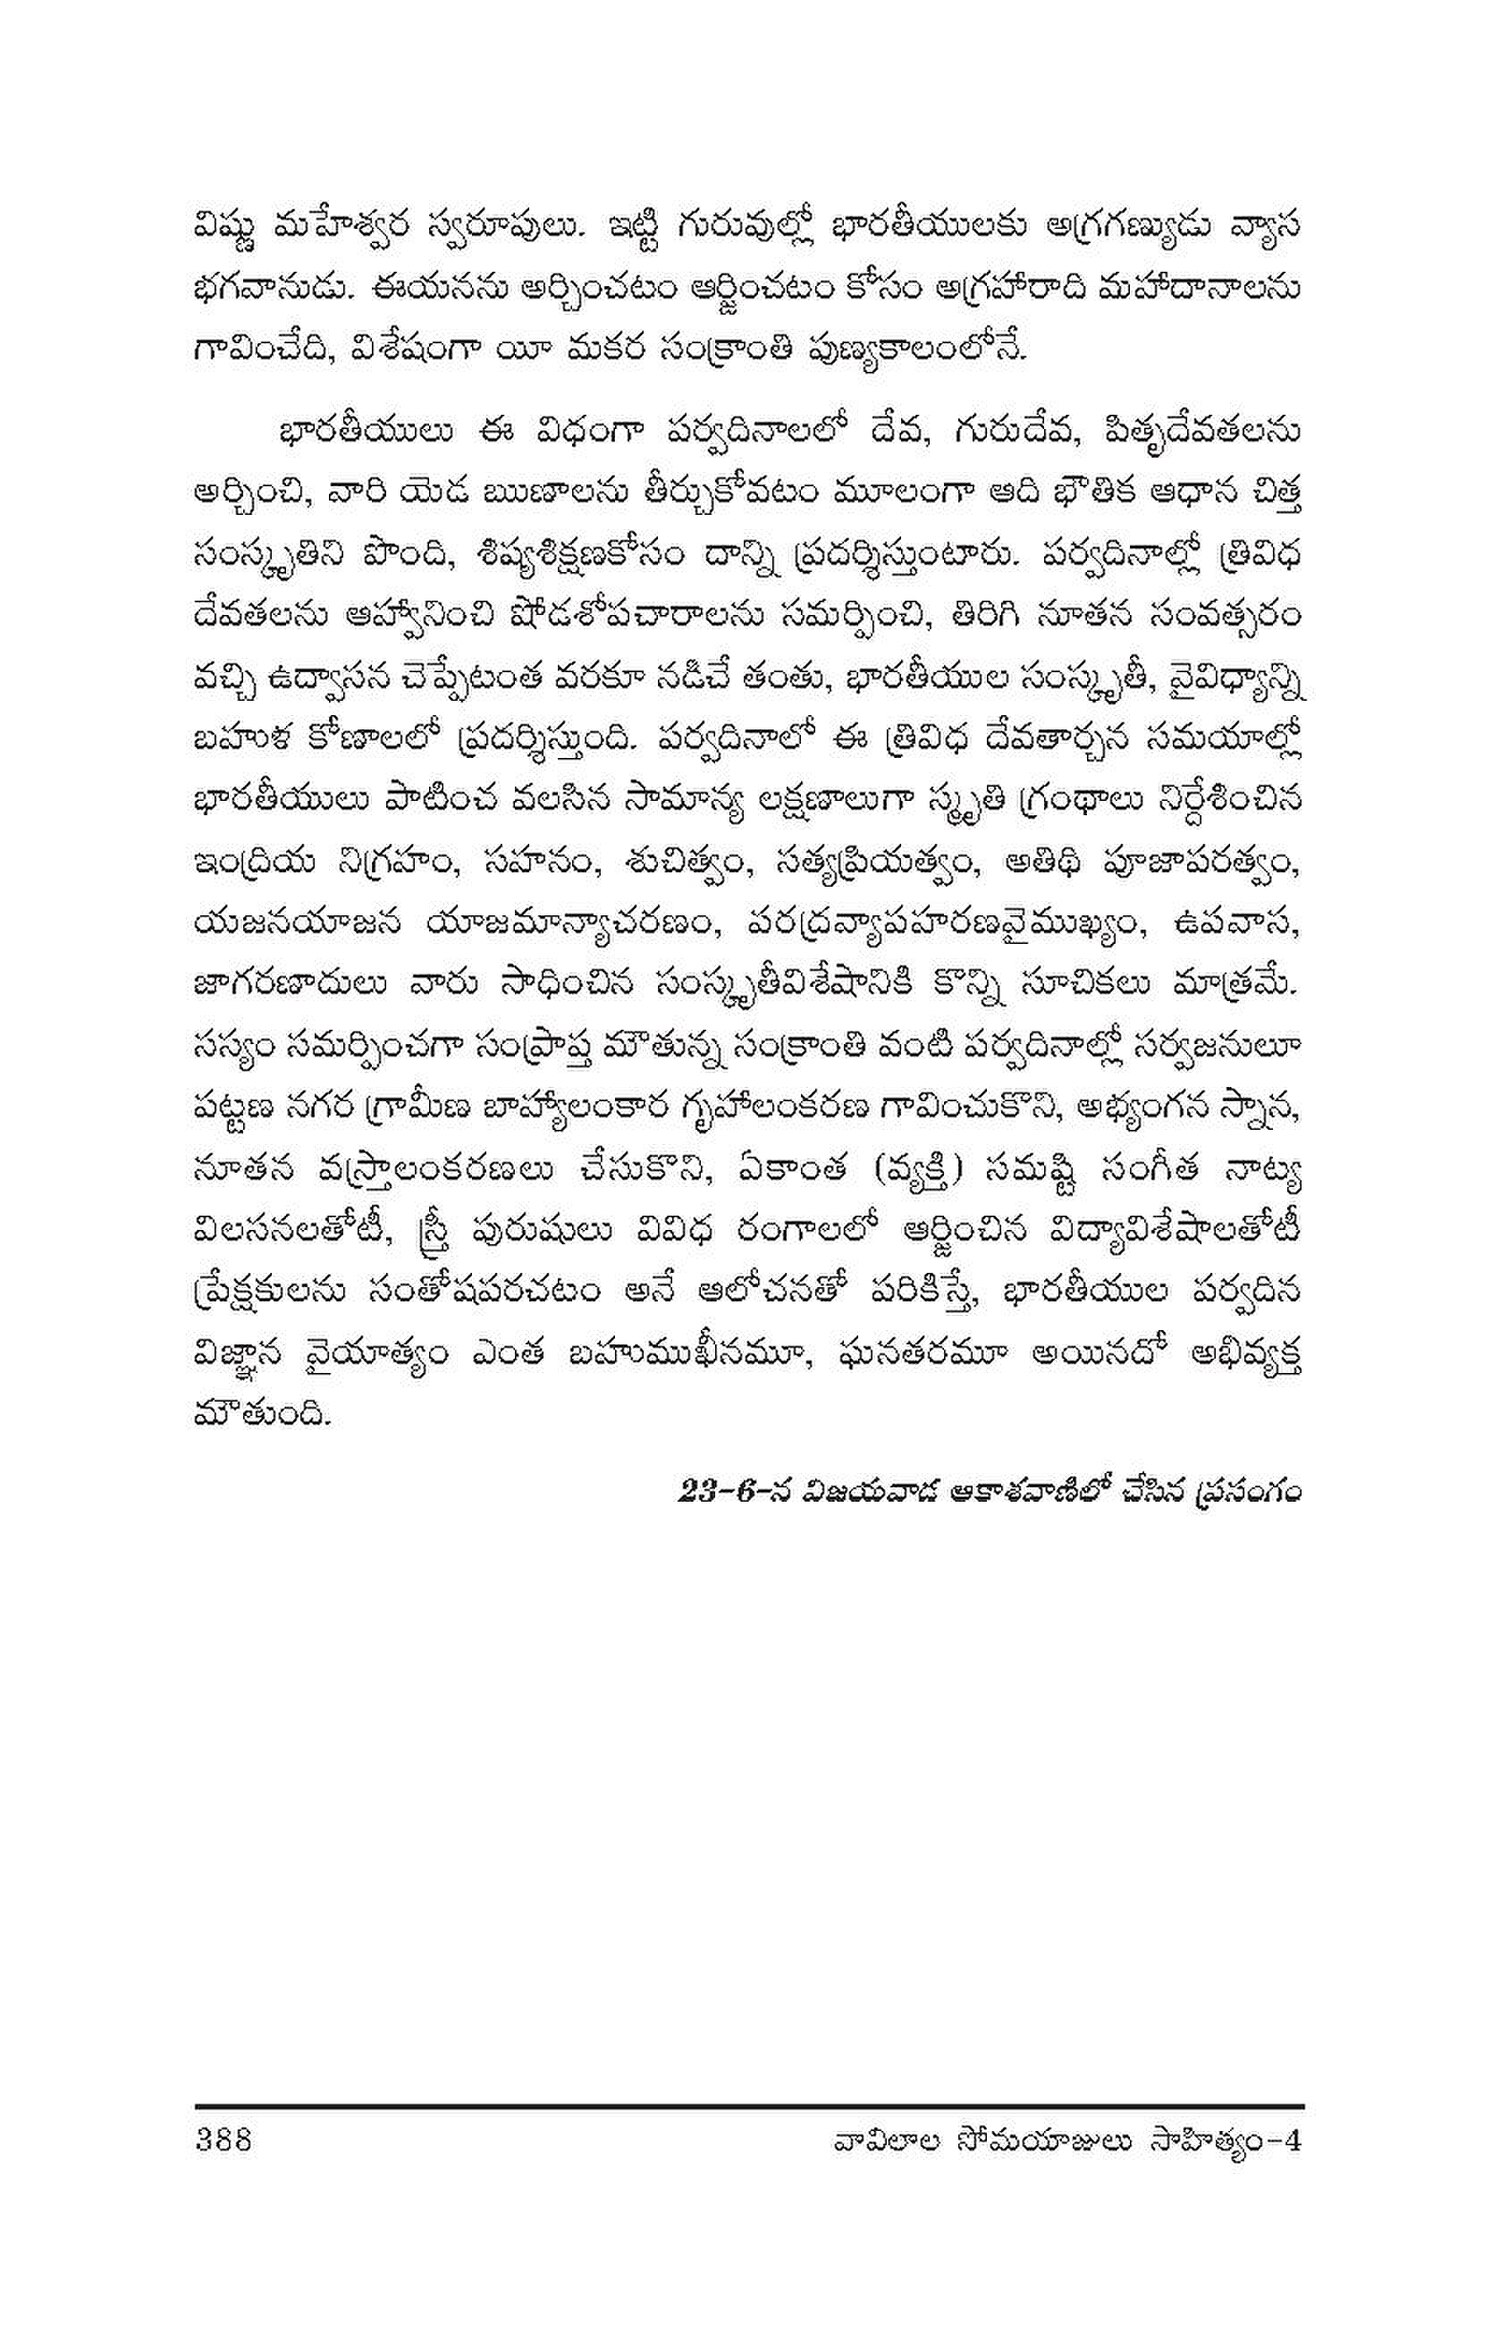విష్ణు మహేశ్వర స్వరూపులు. ఇట్టి గురువుల్లో భారతీయులకు అగ్రగణ్యుడు వ్యాస
భగవానుడు. ఈయనను అర్చించటం ఆర్జించటం కోసం అగ్రహారాది మహాదానాలను
గావించేది, విశేషంగా యీ మకర సంక్రాంతి పుణ్యకాలంలోనే.

భారతీయులు ఈ విధంగా పర్వదినాలలో దేవ, గురుదేవ, పితృదేవతలను
అర్చించి, వారి యెడ ఋణాలను తీర్చుకోవటం మూలంగా ఆది భౌతిక ఆధాన చిత్త
సంస్కృతిని పొంది, శిష్యశిక్షణకోసం దాన్ని ప్రదర్శిస్తుంటారు. పర్వదినాల్లో త్రివిధ
దేవతలను ఆహ్వానించి షోడశోపచారాలను సమర్పించి, తిరిగి నూతన సంవత్సరం
వచ్చి ఉద్వాసన చెప్పేటంత వరకూ నడిచే తంతు, భారతీయుల సంస్కృతీ, వైవిధ్యాన్ని
బహుళ కోణాలలో ప్రదర్శిస్తుంది. పర్వదినాలో ఈ త్రివిధ దేవతార్చన సమయాల్లో
భారతీయులు పాటించ వలసిన సామాన్య లక్షణాలుగా స్మృతి గ్రంథాలు నిర్దేశించిన
ఇంద్రియ నిగ్రహం, సహనం, శుచిత్వం, సత్యప్రియత్వం, అతిథి పూజాపరత్వం,
యజనయాజన యాజమాన్యాచరణం, పరద్రవ్యాపహరణవైముఖ్యం, ఉపవాస,
జాగరణాదులు వారు సాధించిన సంస్కృతీవిశేషానికి కొన్ని సూచికలు మాత్రమే.
సస్యం సమర్పించగా సంప్రాప్త మౌతున్న సంక్రాంతి వంటి పర్వదినాల్లో సర్వజనులూ
పట్టణ నగర గ్రామీణ బాహ్యాలంకార గృహాలంకరణ గావించుకొని, అభ్యంగన స్నాన,
నూతన వస్త్రాలంకరణలు చేసుకొని, ఏకాంత (వ్యక్తి) సమష్టి సంగీత నాట్య
విలసనలతోటీ, స్త్రీ పురుషులు వివిధ రంగాలలో ఆర్జించిన విద్యావిశేషాలతోటీ
ప్రేక్షకులను సంతోషపరచటం అనే ఆలోచనతో పరికిస్తే, భారతీయుల పర్వదిన
విజ్ఞాన వైయాత్యం ఎంత బహుముఖీనమూ, ఘనతరమూ అయినదో అభివ్యక్త
మౌతుంది.